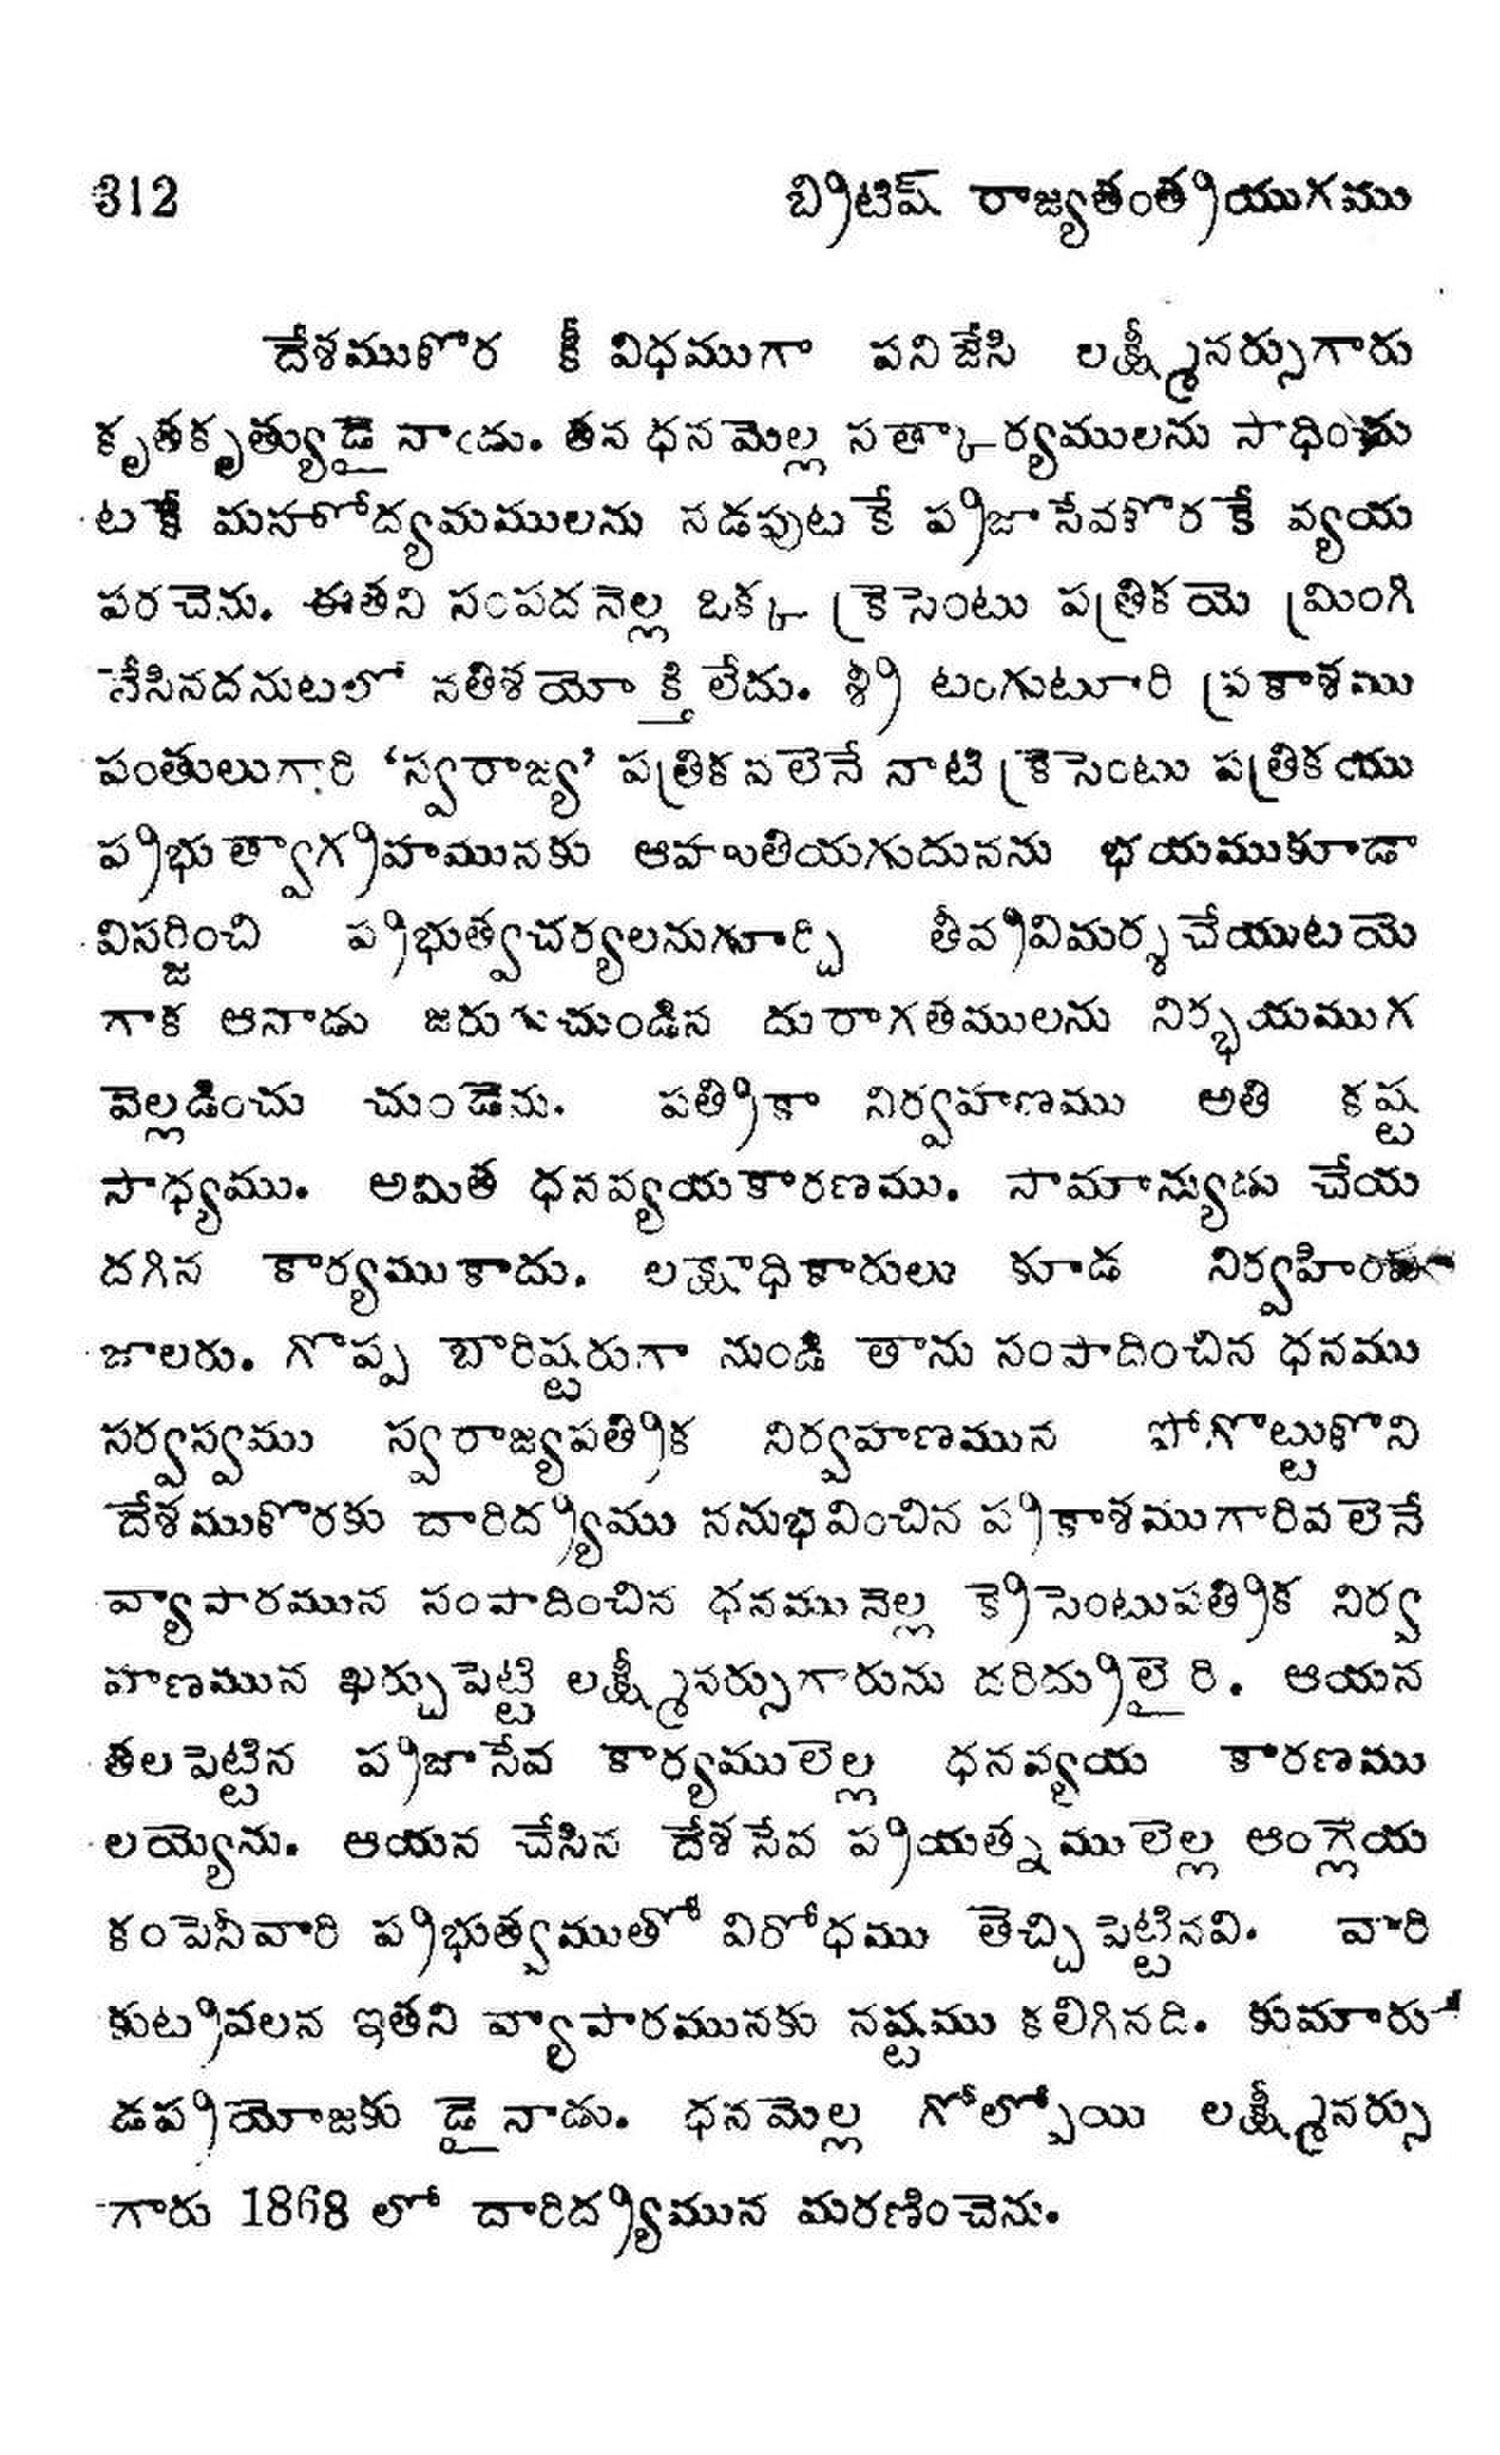దేశముకొర కీ విధముగా పనిజేసి లక్ష్మీనర్సుగారు కృతకృత్యుడైనాఁడు. తన ధన మెల్ల సత్కార్యములను సాధించుటకే మహోద్యమములను నడపుట కే ప్రజాసేవకొరకే వ్యయపరచెను. ఈతని సంపదనెల్ల ఒక్క క్రెసెంటు పత్రికయె మ్రింగివేసినదనుటలో నతిశయోక్తిలేదు. శ్రీ టంగుటూరి ప్రకాశముపంతులుగారి 'స్వరాజ్య' పత్రికవలెనే నాటిక్రెసెంటు పత్రికయు ప్రభుత్వాగ్రహమునకు ఆహుతియగుదునను భయముకూడా విసర్జించి ప్రభుత్వచర్యలనుగూర్చి తీవ్రవిమర్శ చేయుటయె గాక ఆనాడు జరుగుచుండిన దురాగతములను నిర్భయముగ వెల్లడించు చుండెను. పత్రికా నిర్వహణము అతి కష్టసాధ్యము. అమిత ధనవ్యయకారణము. సామాన్యుడు చేయదగిన కార్యముకాదు. లక్షాధికారులు కూడ నిర్వహింపజాలరు. గొప్ప బారిష్టరుగా నుండి తాను సంపాదించిన ధనము సర్వస్వము స్వరాజ్యపత్రిక నిర్వహణమున పోగొట్టుకొని దేశముకొరకు దారిద్యము ననుభవించిన ప్రకాశముగారివలెనే వ్యాపారమున సంపాదించిన ధనము నెల్ల క్రెసెంటుపత్రిక నిర్వహణమున ఖర్చుపెట్టి లక్ష్మీనర్సుగారును దరిద్రులైరి. ఆయన తలపెట్టిన ప్రజాసేవ కార్యములెల్ల ధనవ్యయ కారణములయ్యెను. ఆయన చేసిన దేశసేవ ప్రయత్నములెల్ల ఆంగ్లేయ కంపెనీవారి ప్రభుత్వముతో విరోధము తెచ్చిపెట్టినవి. వారి కుట్రవలన ఇతని వ్యాపారమునకు నష్టము కలిగినది. కుమారుడప్రయోజకు డైనాడు. ధనమెల్ల గోల్పోయి లక్ష్మీనర్సుగారు 1868 లో దారిద్ర్యమున మరణించెను.